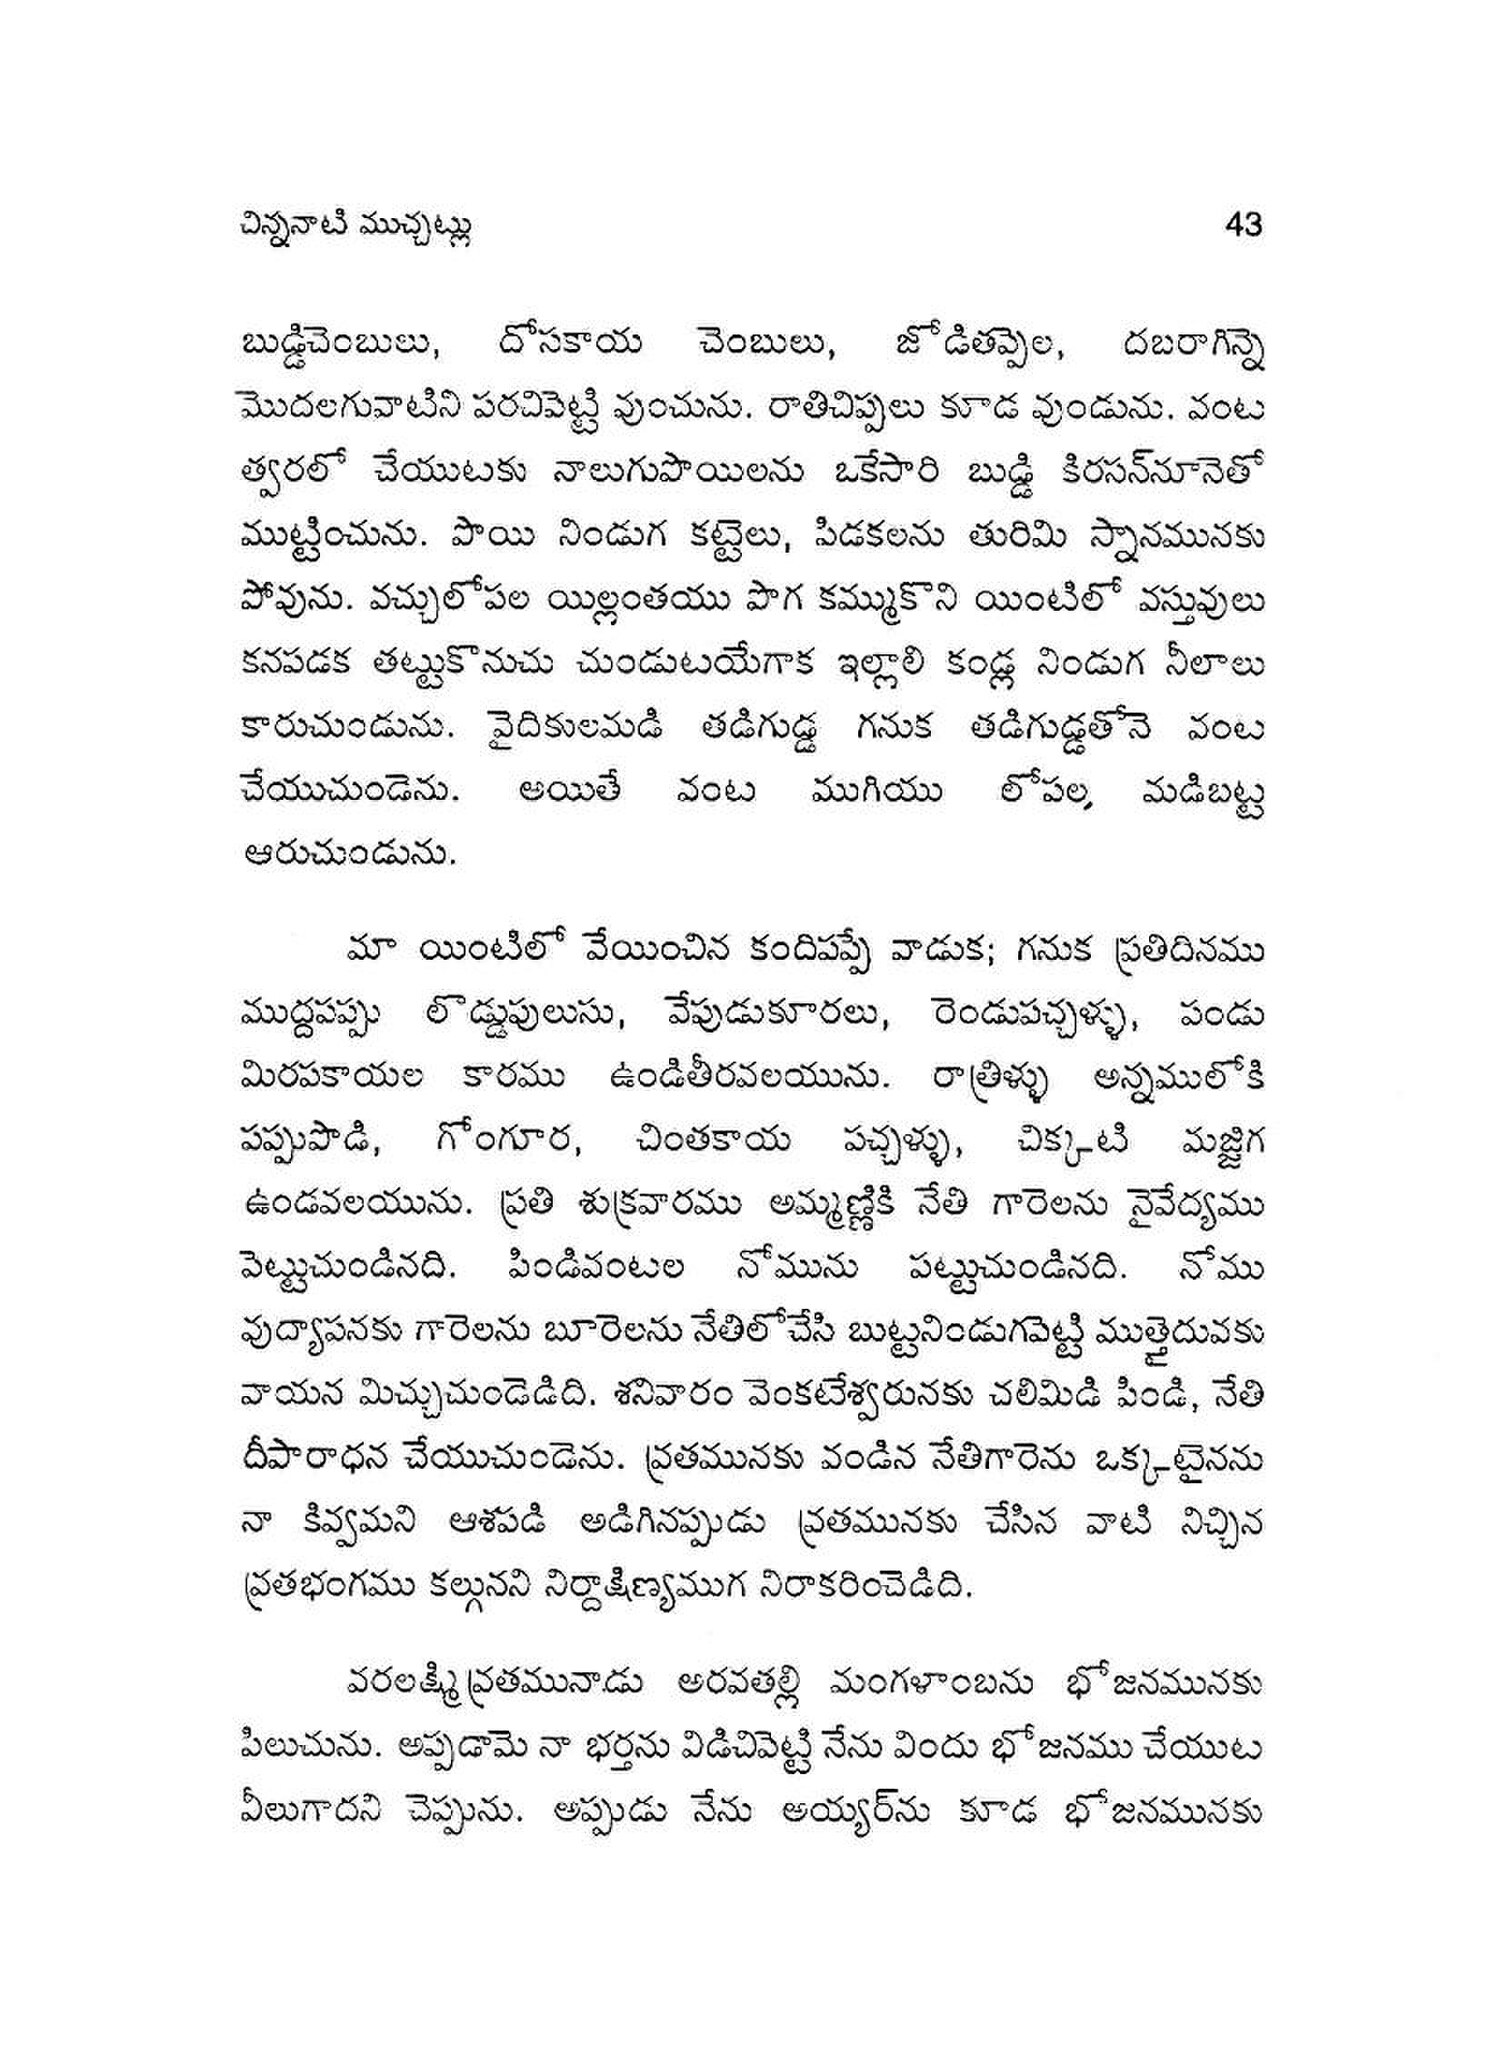బుడ్డిచెంబులు, దోసకాయ చెంబులు, జోడితప్పెల, దబరాగిన్నె మొదలగువాటిని పరచిపెట్టి వుంచును. రాతిచిప్పలు కూడ వుండును. వంట త్వరలో చేయుటకు నాలుగుపొయిలను ఒకేసారి బుడ్డి కిరసన్నూనెతో ముట్టించును. పొయి నిండుగ కట్టెలు, పిడకలను తురిమి స్నానమునకు పోవును. వచ్చులోపల యిల్లంతయు పొగ కమ్ముకొని యింటిలో వస్తువులు కనపడక తట్టుకొనుచు చుండుటయేగాక ఇల్లాలి కండ్ల నిండుగ నీలాలు కారుచుండును. వైదికులమడి తడిగుడ్డ గనుక తడిగుడ్డతోనె వంట చేయుచుండెను. అయితే వంట ముగియు లోపల మడిబట్టు ఆరుచుండును.

మా యింటిలో వేయించిన కందిపప్పే వాడుక, గనుక ప్రతిదినము ముద్దపప్పు లొడ్డుపులుసు, వేపుడుకూరలు, రెండుపచ్చళ్ళు, పండు మిరపకాయల కారము ఉండితీరవలయును. రాత్రిళ్ళు అన్నములోకి పప్పుపొడి, గోంగూర, చింతకాయ పచ్చళ్ళు, చిక్కటి మజ్జగ ఉండవలయును. ప్రతి శుక్రవారము అమ్మణ్ణికి నేతి గారెలను నైవేద్యము పెట్టుచుండినది. పిండివంటల నోమును పట్టుచుండినది. నోము వుద్యాపనకు గారెలను బూరెలను నేతిలో చేసి బుట్టనిండుగపెట్టి ముత్తైదువకు వాయన మిచ్చుచుండెడిది. శనివారం వెంకటేశ్వరునకు చలిమిడి పిండి, నేతి దీపారాధన చేయుచుండెను. వ్రతమునకు వండిన నేతిగారెను ఒక్కటైనను నా కివ్వమని ఆశపడి అడిగినప్పుడు వ్రతమునకు చేసిన వాటి నిచ్చిన ప్రతభంగము కల్గునని నిర్దాక్షిణ్యముగ నిరాకరించెడిది.

వరలక్ష్మీవ్రతమునాడు అరవతల్లి మంగళాంబను భోజనమునకు పిలుచును. అప్పుడామె నా భర్తను విడిచిపెట్టినేను విందు భోజనము చేయుట వీలుగాదని చెప్పును. అప్పుడు నేను అయ్యర్ను కూడ భోజనమునకు